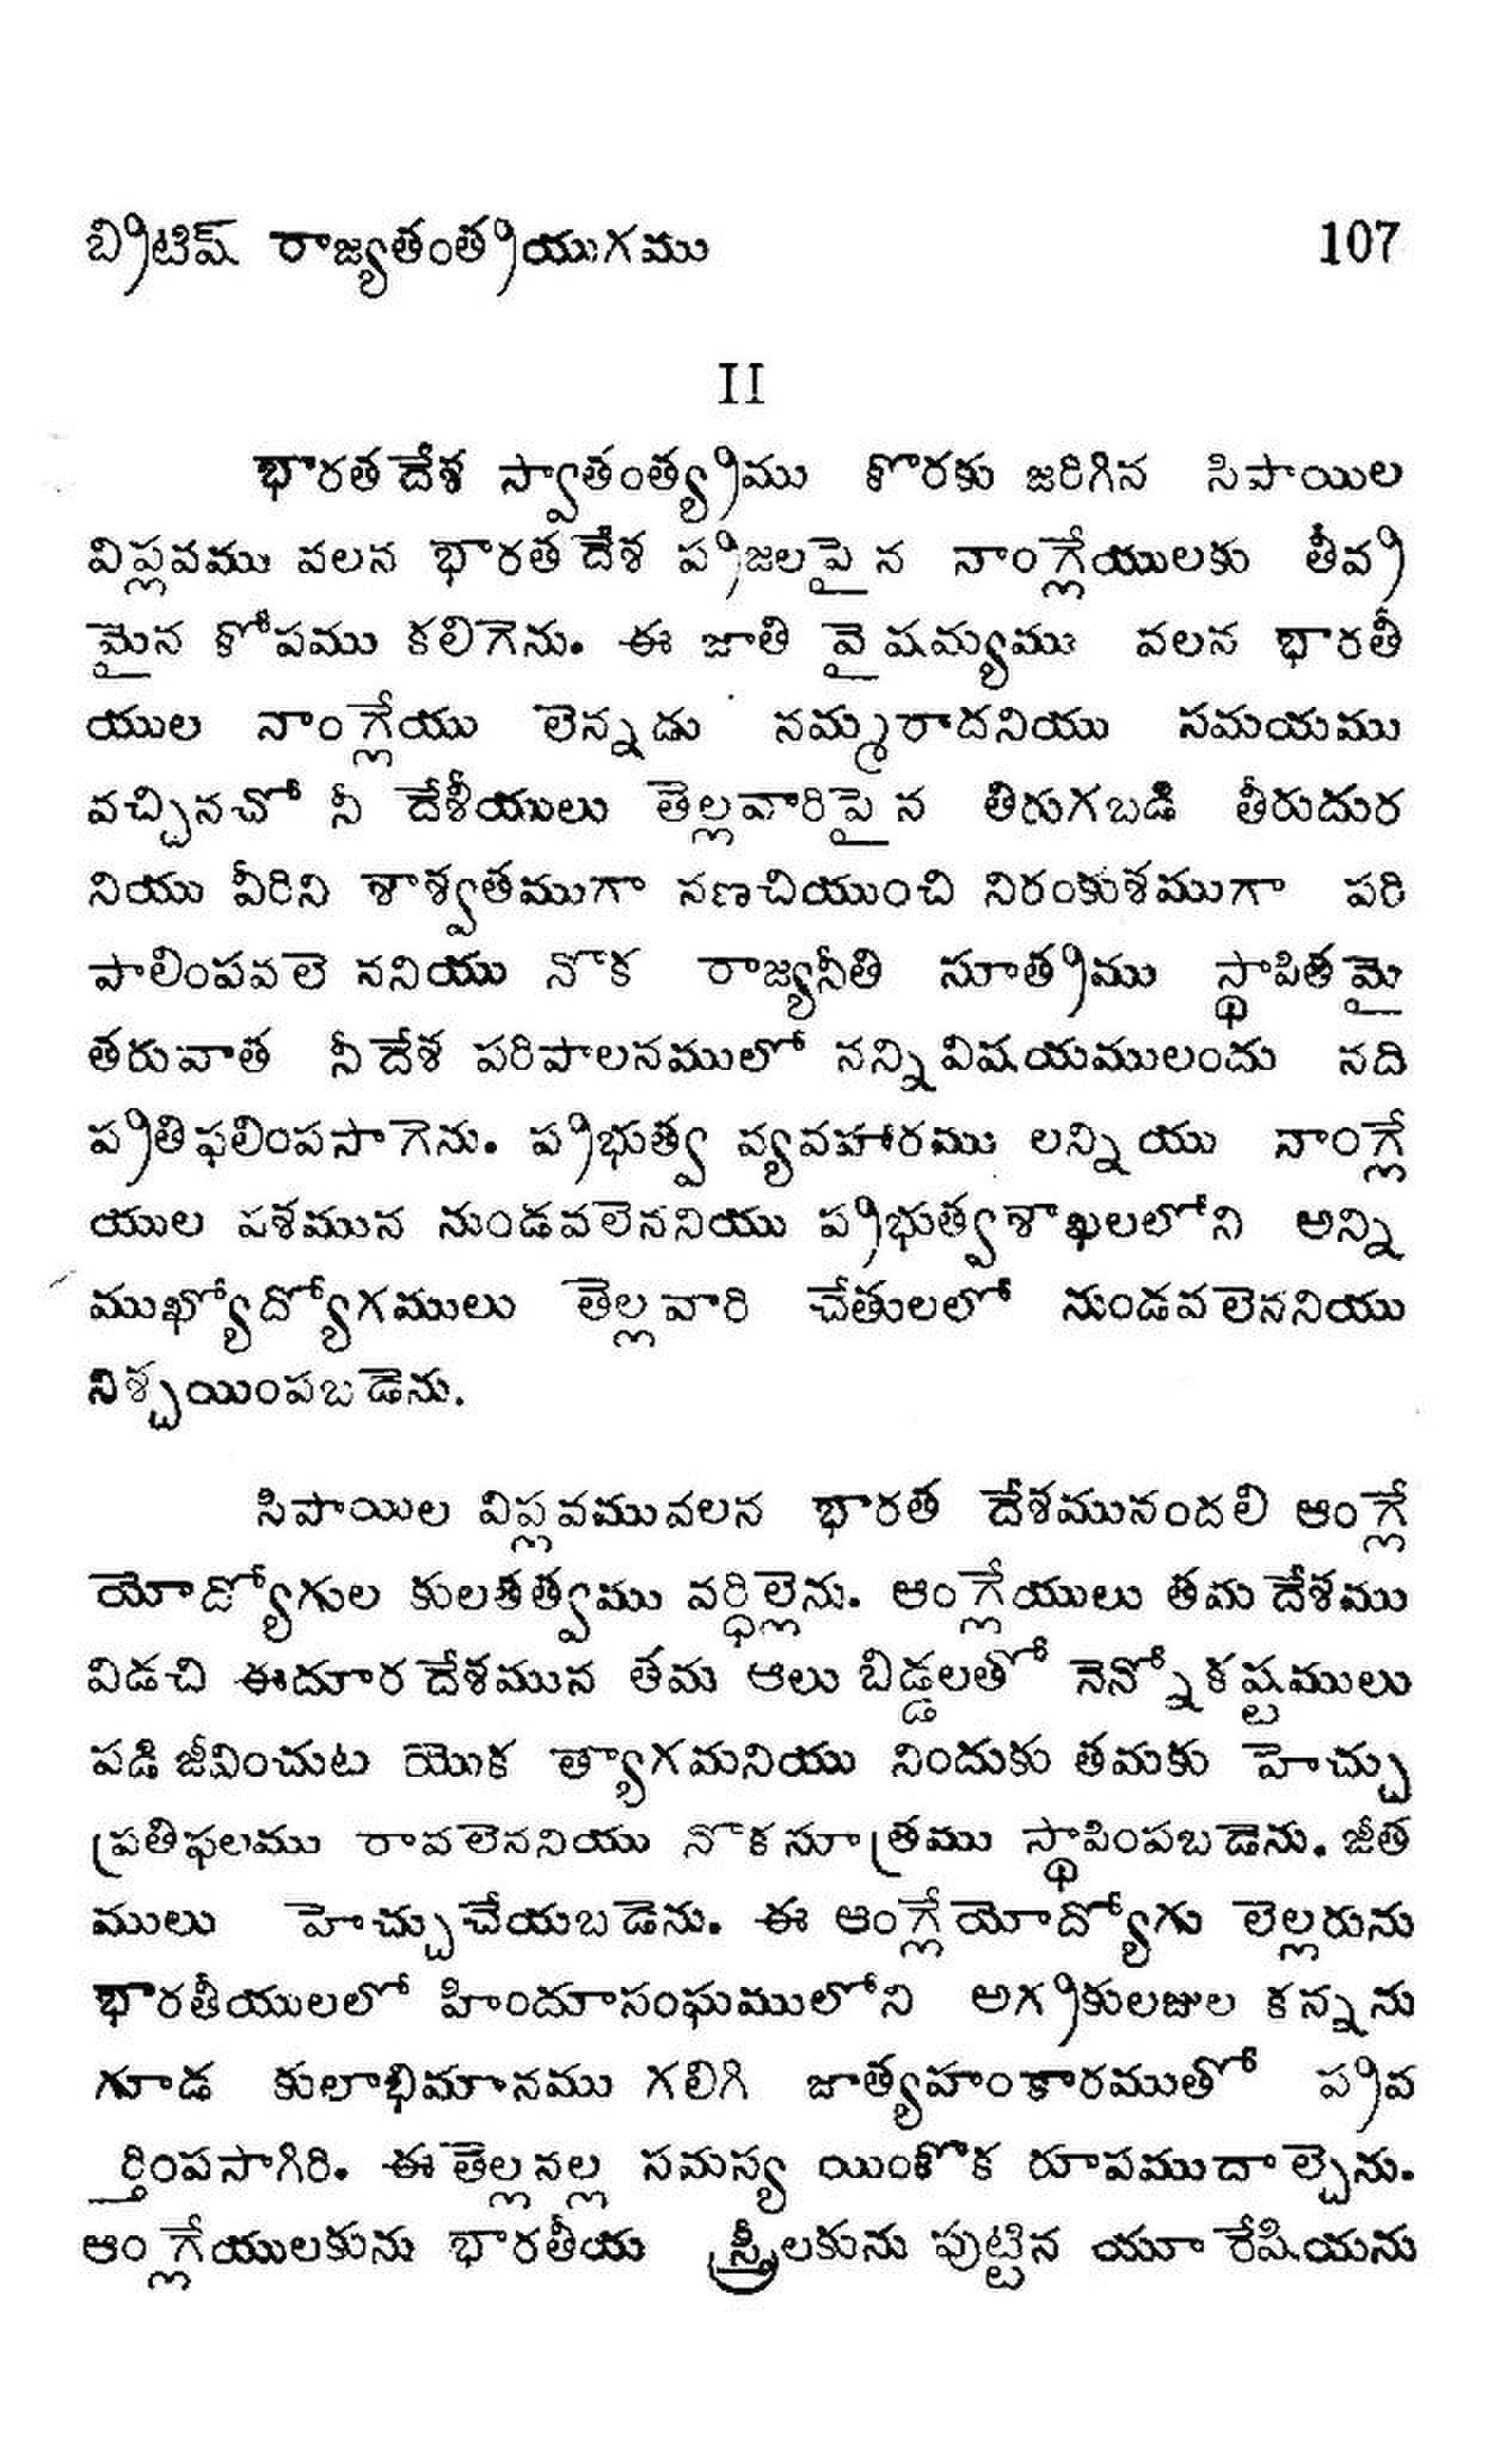II

భారతదేశ స్వాతంత్ర్యము కొరకు జరిగిన సిపాయిల విప్లవము వలన భారతదేశ ప్రజలపైన నాంగ్లేయులకు తీవ్రమైన కోపము కలిగెను. ఈ జాతి వైషమ్యము వలన భారతీయుల నాంగ్లేయు లెన్నడు నమ్మరాదనియు సమయము వచ్చినచో నీ దేశీయులు తెల్లవారిపైన తిరుగబడి తీరుదురనియు వీరిని శాశ్వతముగా నణచియుంచి నిరంకుశముగా పరిపాలింపవలె ననియు నొక రాజ్యనీతి సూత్రము స్థాపితమై తరువాత నీదేశ పరిపాలనములో నన్నివిషయములందు నది ప్రతిఫలింపసాగెను. ప్రభుత్వ వ్యవహారము లన్నియు నాంగ్లేయుల వశమున నుండవలెననియు ప్రభుత్వశాఖలలోని అన్ని ముఖ్యోద్యోగములు తెల్లవారి చేతులలో నుండవలెననియు నిశ్చయింపబడెను.

సిపాయిల విప్లవము వలన భారత దేశమునందలి ఆంగ్లేయోద్యోగుల కులతత్వము వర్ధిల్లెను. ఆంగ్లేయులు తమదేశము విడచి ఈదూరదేశమున తమ ఆలు బిడ్డలతో నెన్నోకష్టములు పడిజీవించుట యొక త్యాగమనియు నిందుకు తమకు హెచ్చు ప్రతిఫలము రావలెననియు నొకసూత్రము స్థాపింపబడెను. జీతములు హెచ్చుచేయబడెను. ఈ ఆంగ్లేయోద్యోగు లెల్లరును భారతీయులలో హిందూసంఘములోని అగ్రకులజుల కన్నను గూడ కులాభిమానము గలిగి జాత్యహంకారముతో ప్రవర్తింపసాగిరి. ఈతెల్లనల్ల సమస్య యింకొక రూపముదాల్చెను. ఆంగ్లేయులకును భారతీయ స్త్రీలకును పుట్టిన యూరేషియను